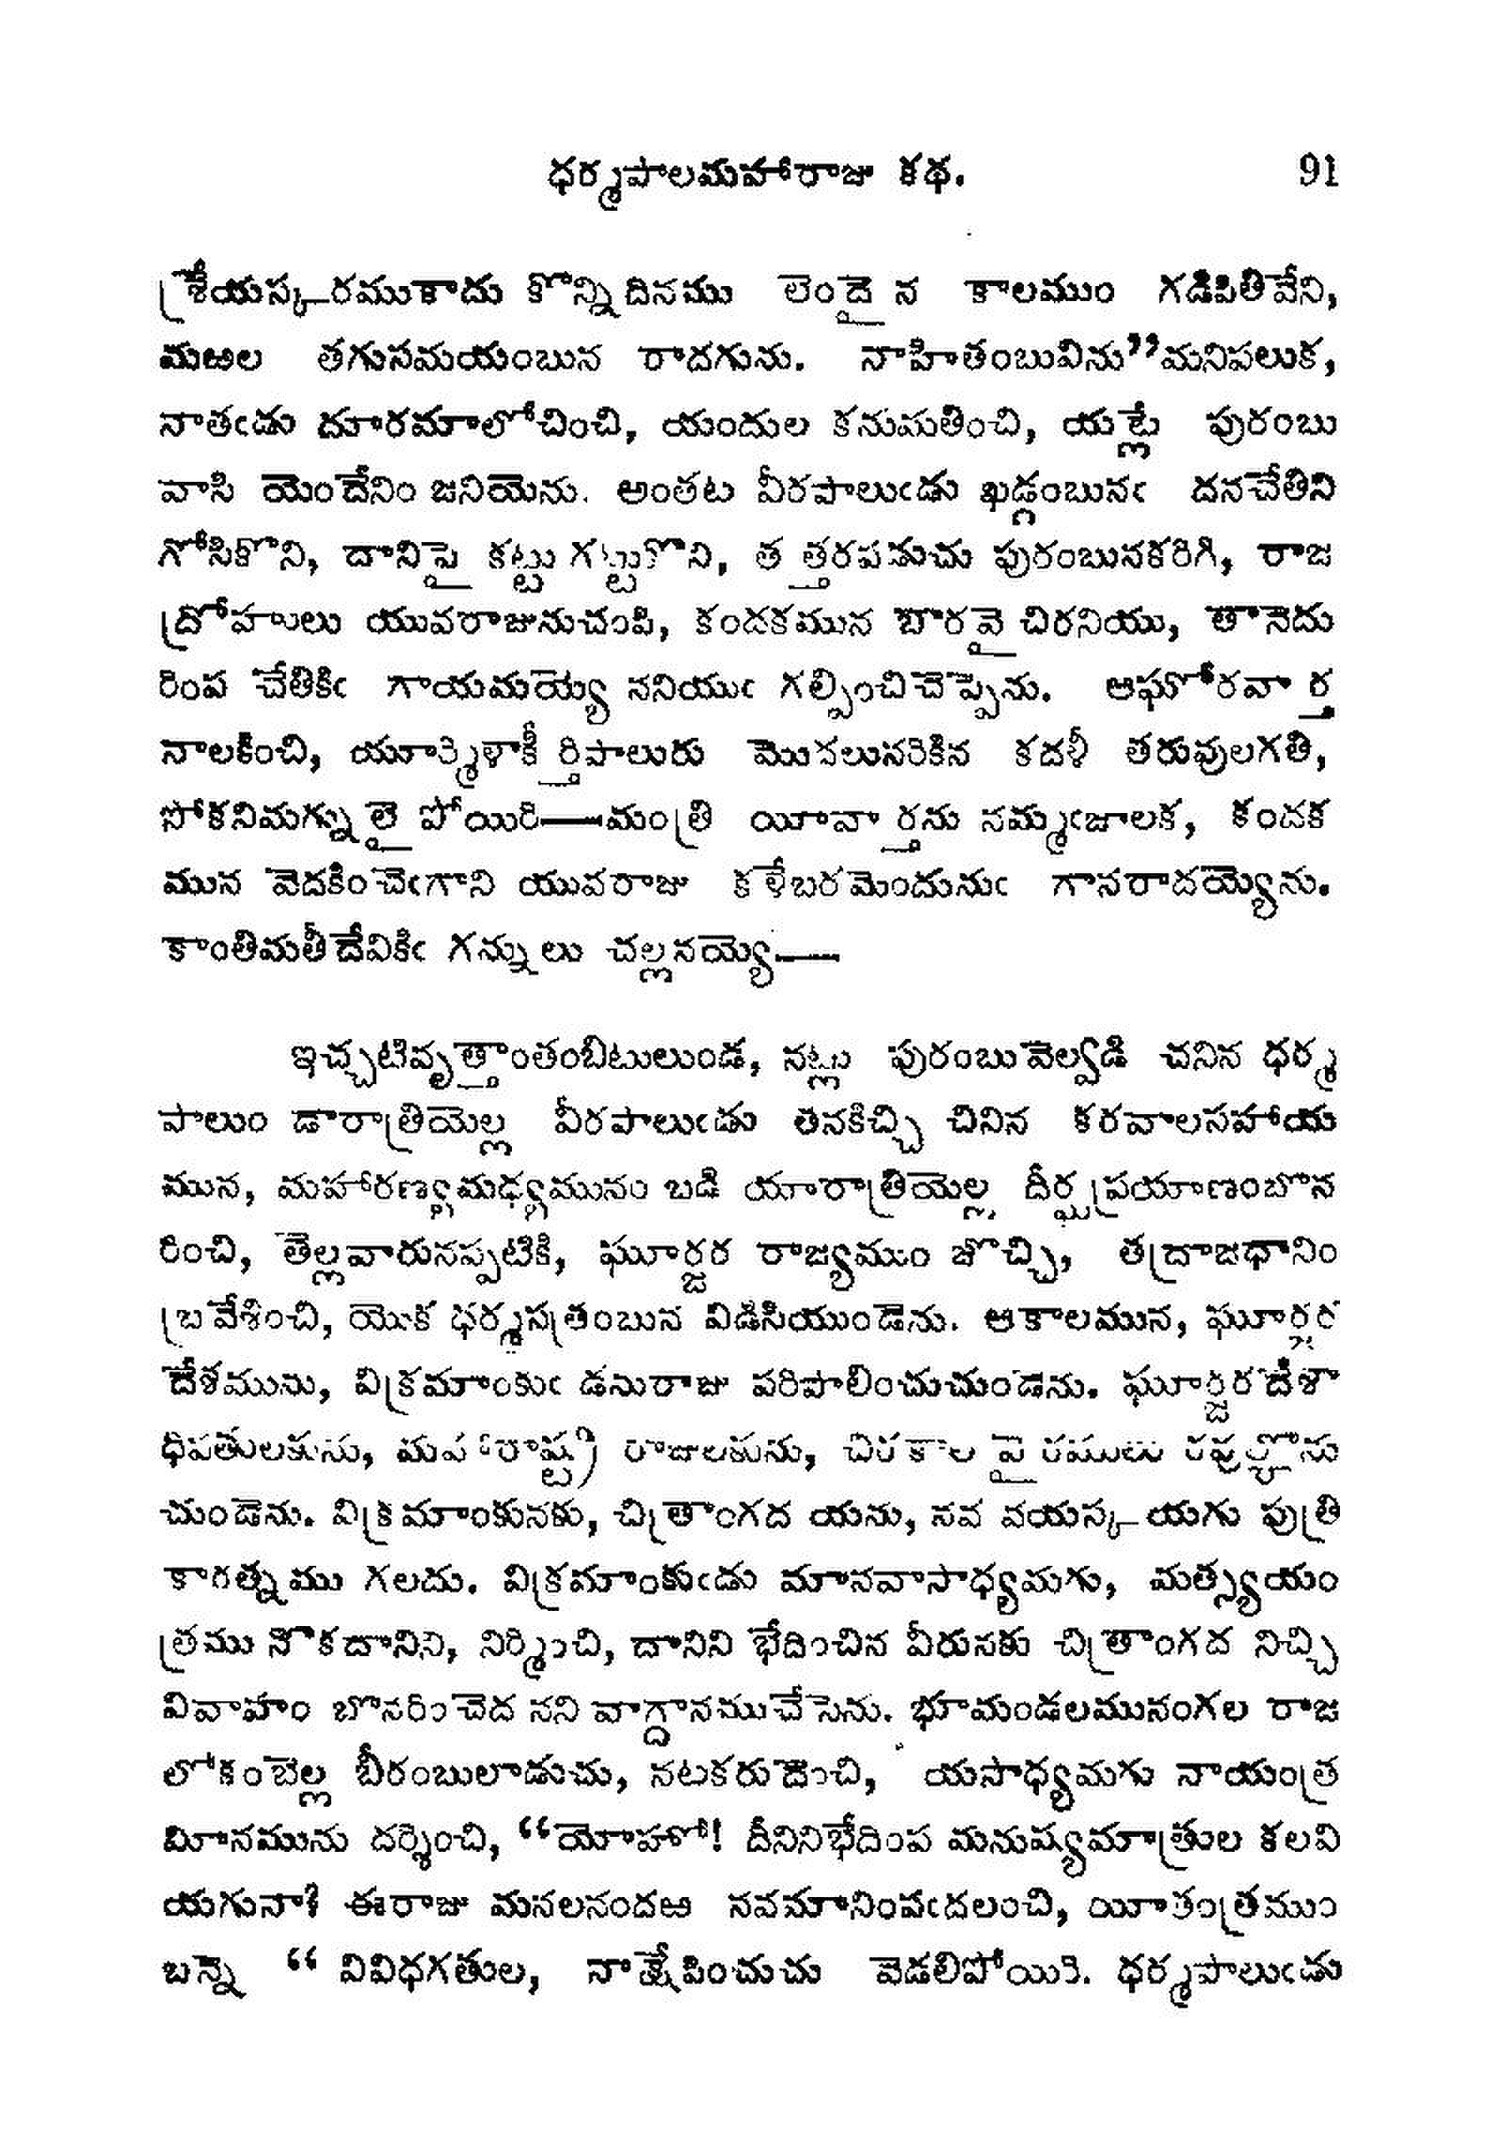శ్రేయస్కరముకాదు కొన్ని దినము లెందైన కాలముం గడిపితివేని,మఱల తగుసమయంబున రాదగును. నాహితంబు విను"మనిపలుక, నాతఁడు దూరమాలోచించి, యందుల కనుమతించి, యట్లే పురంబు వాసి యెందేనిం జనియెను. అంతట వీరపాలుఁడు ఖడ్గంబునఁ దన చేతిని గోసికొని, దానిపై కట్టు గట్టుకొని, తత్తరపడుచు పురంబునకరిగి, రాజ
ద్రోహులు యువరాజును చంపి, కందకమున బారవై చిరనియు, తానెదురింప చేతికి గాయమయ్యే ననియుఁ గల్పించి చెప్పెను. ఆఘోరవార్త నాలకించి, యూర్మిళాకీర్తిపాలురు మొదలునరికిన కదళీ తరువులగతి, సోకనిమగ్నులై పోయిరి——మంత్రి యీవార్తను నమ్మఁజాలక , కందకమున వెదకించెఁగాని యువరాజు కళేబరమెందునుఁ గానరాదయ్యెను.
కాంతిమతీ దేవికిఁ గన్నులు చల్లనయ్యె——

ఇచ్చటి వృత్తాంతంబిటులుండ, నట్లు పురంబు వెల్వడి చనిన ధర్మపాలుండా రాత్రియెల్ల వీరపాలుఁడు తనకిచ్చి చినిన కరవాలసహాయమున, మహారణ్యమద్యమునం బడి యారాత్రియెల్ల దీర్ఘ ప్రయాణంబోనరించి, 'తెల్లవారునప్పటికీ, ఘూర్జర రాజ్యముం జొచ్చి, తద్రాజధానిం బ్రవేశించి, యొక ధర్మసత్రంబున విడిసియుండెను. ఆకాలమున, ఘూర్జర దేశమును, విక్రమాంకుఁ డనురాజు పరిపాలించుచుండెను. ఘూర్జర దేశాధిపతులకును, మహారాష్ట్ర రాజులకును, చిరకాల వైరములు రవుల్కోను చుండెను. విక్రమాంకునకు, చిత్రాంగద యను, నవ వయస్కయగు పుత్రికారత్నము గలదు. విక్రమాంకుఁడు మానవాసాధ్యమగు, మత్స్యయంత్రము నొకదానిని, నిర్మించి, దానిని భేదించిన వీరునకు చిత్రాంగద నిచ్చి వివాహం బొనరించెదనని వాగ్దానము చేసెను. భూమండలమునంగల రాజ లోకంబెల్ల బీరంబులాడుచు, నటకరు దెంచి, యసాధ్యమగు నాయంత్ర మీనమును దర్శించి, “యోహో! దీనిని భేదింప మనుష్య మాత్రుల కలవి యగునా? ఈ రాజు మనలనందఱ నవమానింపఁదలంచి, యీ తంత్రముం బన్నె "వివిధగతుల, నాక్షేపించుచు వెడలిపోయిరి. ధర్మపాలుఁడు